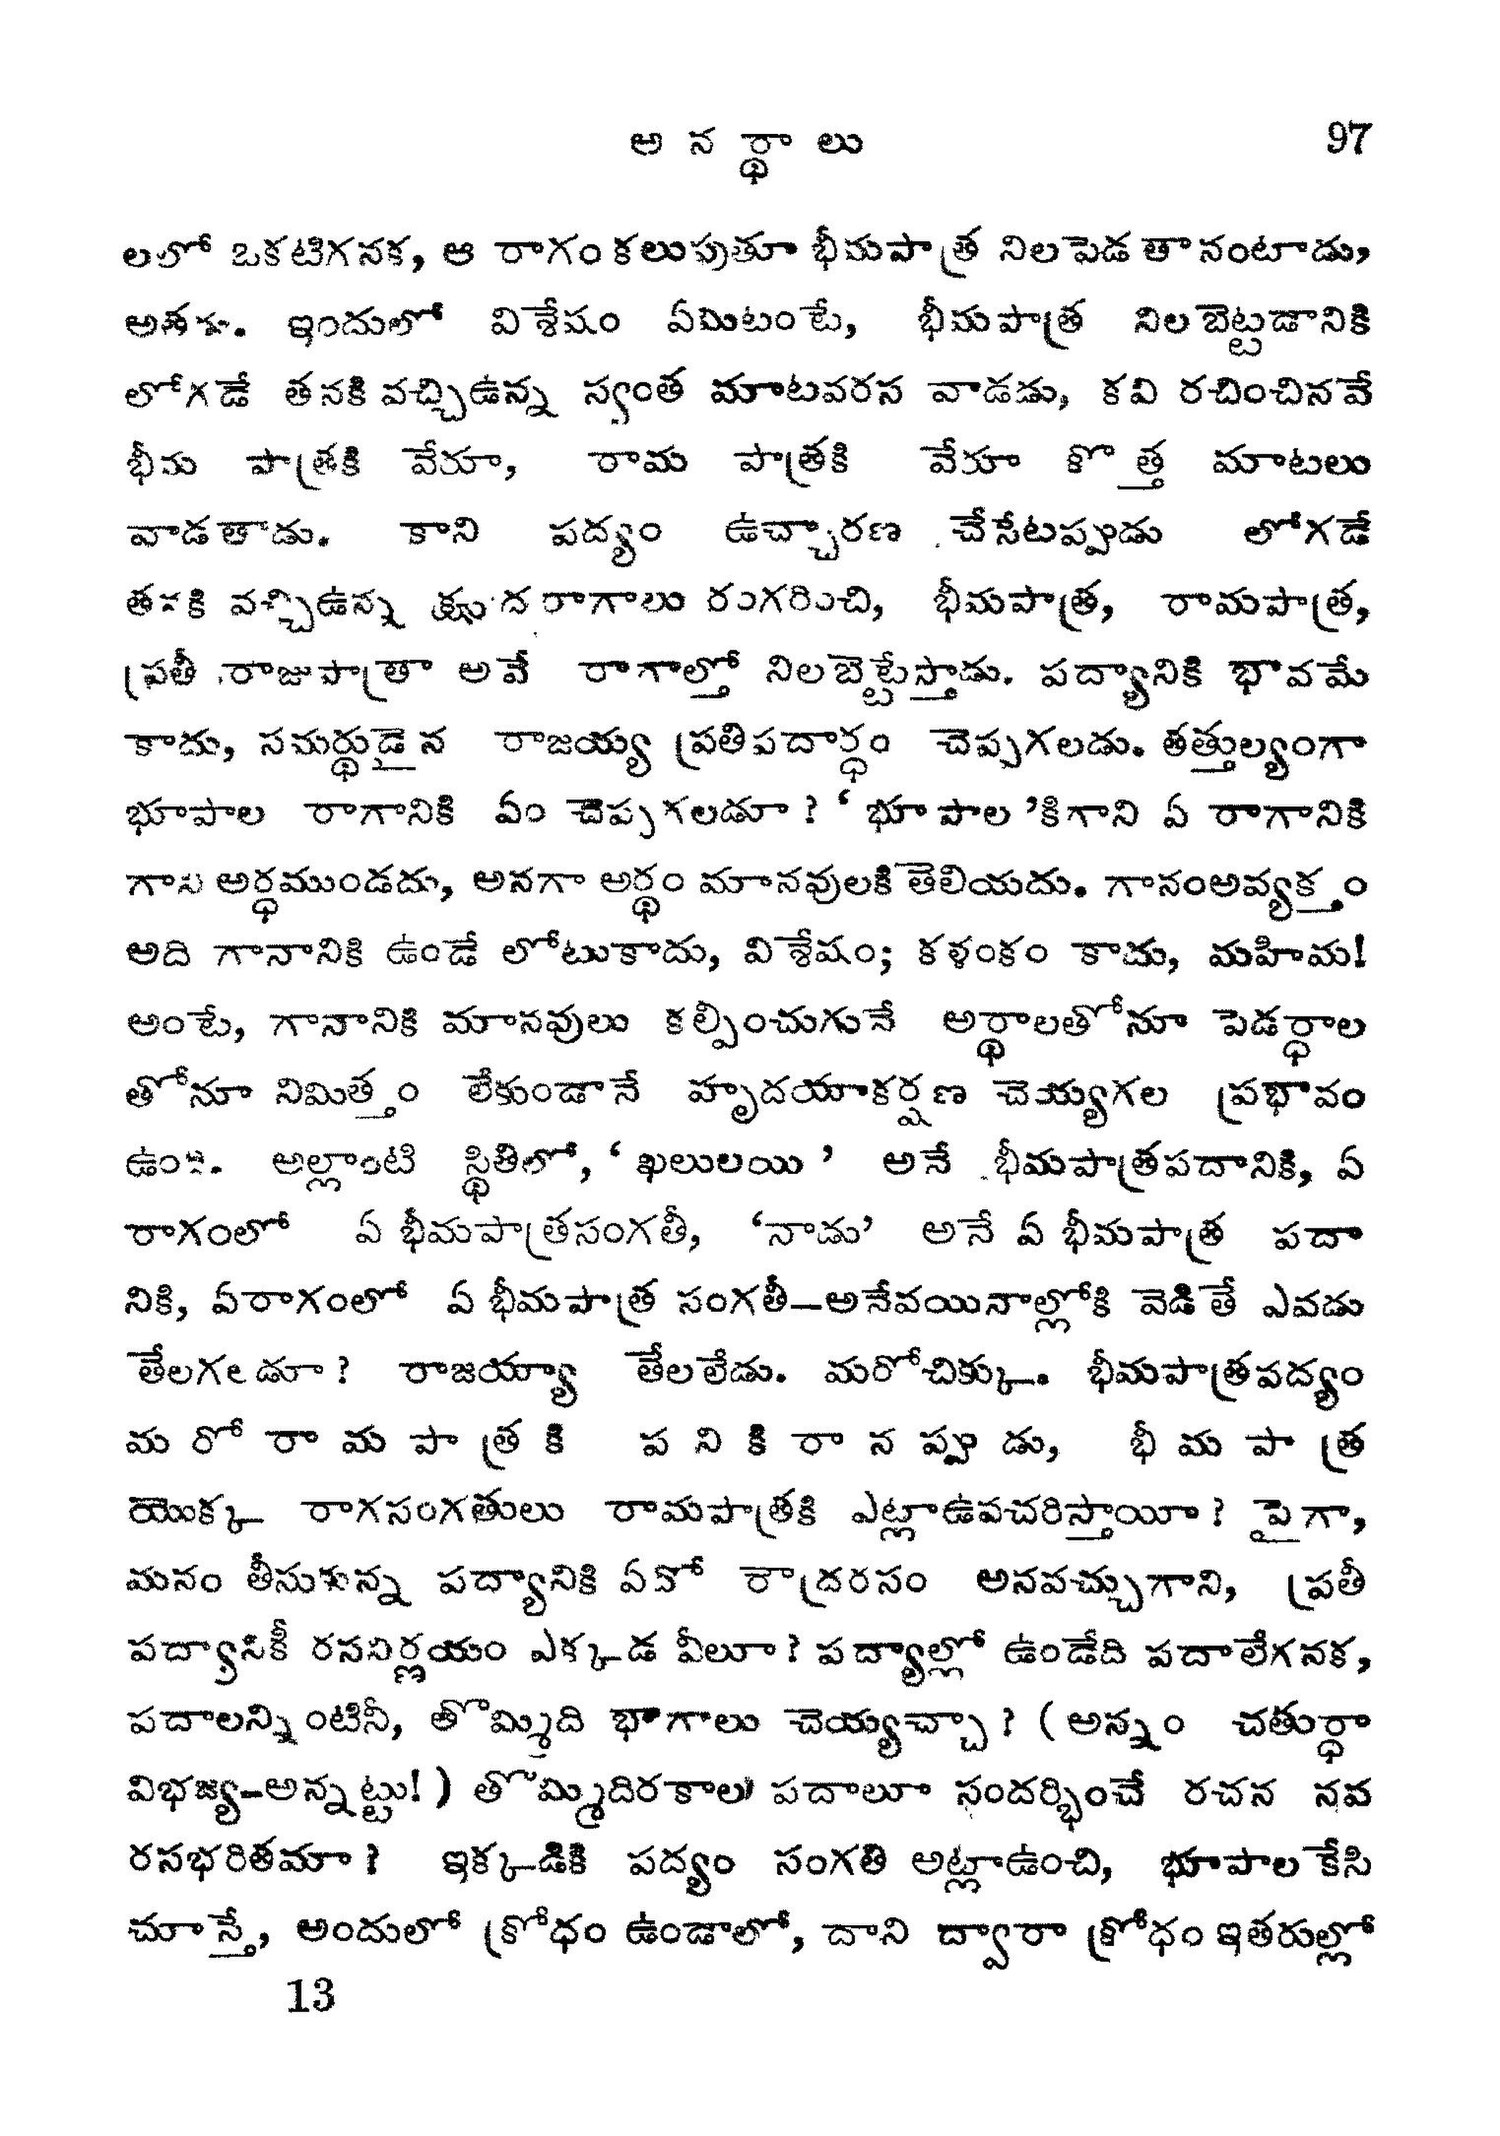లలో ఒకటిగనక, ఆ రాగంకలుపుతూ భీమపాత్ర నిలపెడతానంటాడు,
అతడు. ఇందులో విశేషం ఏమిటంటే, భీమపాత్ర నిలబెట్టడానికి
లోగడే తనకి వచ్చిఉన్న స్వంత మాటవరస వాడడు, కవి రచించినవే
భీమ పాత్రకి వేరూ, రామ పాత్రకి వేరూ కొత్త మాటలు
వాడతాడు. కాని పద్యం ఉచ్చారణ చేసేటప్పుడు లోగడే
తనకి వచ్చిఉన్న క్షుద్రరాగాలు రంగరించి, భీమపాత్ర, రామపాత్ర,
ప్రతీ రాజుపాత్రా అవే రాగాల్తో నిలబెట్టేస్తాడు. పద్యానికి భావమే
కాదు, సమర్థుడైన రాజయ్య ప్రతిపదార్ధం చెప్పగలడు. తత్తుల్యంగా
భూపాల రాగానికి ఏం చెప్పగలడూ ? 'భూపాల'కిగాని ఏ రాగానికి
గాని అర్ధముండదు, అనగా అర్థం మానవులకితెలియదు. గానంఅవ్యక్తం
అది గానానికి ఉండే లోటుకాదు, విశేషం; కళంకం కాదు, మహిమ!
అంటే, గానానికి మానవులు కల్పించుగునే అర్థాలతోనూ పెడర్ధాల
తోనూ నిమిత్తం లేకుండానే హృదయాకర్షణ చెయ్యగల ప్రభావం
ఉంది. అల్లాంటి స్థితిలో, ' ఖలులయి ' అనే భీమపాత్రపదానికి, ఏ
రాగంలో ఏ భీమపాత్రసంగతీ, 'నాడు' అనే ఏ భీమపాత్ర పదా
నికి, ఏరాగంలో ఏ భీమపాత్ర సంగతీ - అనేవయినాల్లోకి వెడితే ఎవడు
తేలగలడూ ? రాజయ్యా తేలలేడు. మరోచిక్కు. భీమపాత్ర పద్యం
మరోరామపాత్రకి పనికిరానప్పుడు, భీమ పాత్ర
యొక్క రాగసంగతులు రామపాత్రకి ఎట్లా ఉపచరిస్తాయీ ? పైగా,
మనం తీసుకున్న పద్యానికి ఏదో రౌద్రరసం అనవచ్చుగాని, ప్రతీ
పద్యానికీ రసనిర్ణయం ఎక్కడ వీలూ ? పద్యాల్లో ఉండేది పదాలేగనక,
పదాలన్నింటినీ, తొమ్మిది భాగాలు చెయ్యచ్చా ? ( అన్నం చతుర్ధా
విభజ్య-అన్నట్టు!) తొమ్మిదిరకాల పదాలూ సందర్భించే రచన నవ
రసభరితమా ? ఇక్కడికి పద్యం సంగతి అట్లాఉంచి, భూపాలకేసి
చూస్తే, అందులో క్రోధం ఉండాలో, దాని ద్వారా క్రోధం ఇతరుల్లో